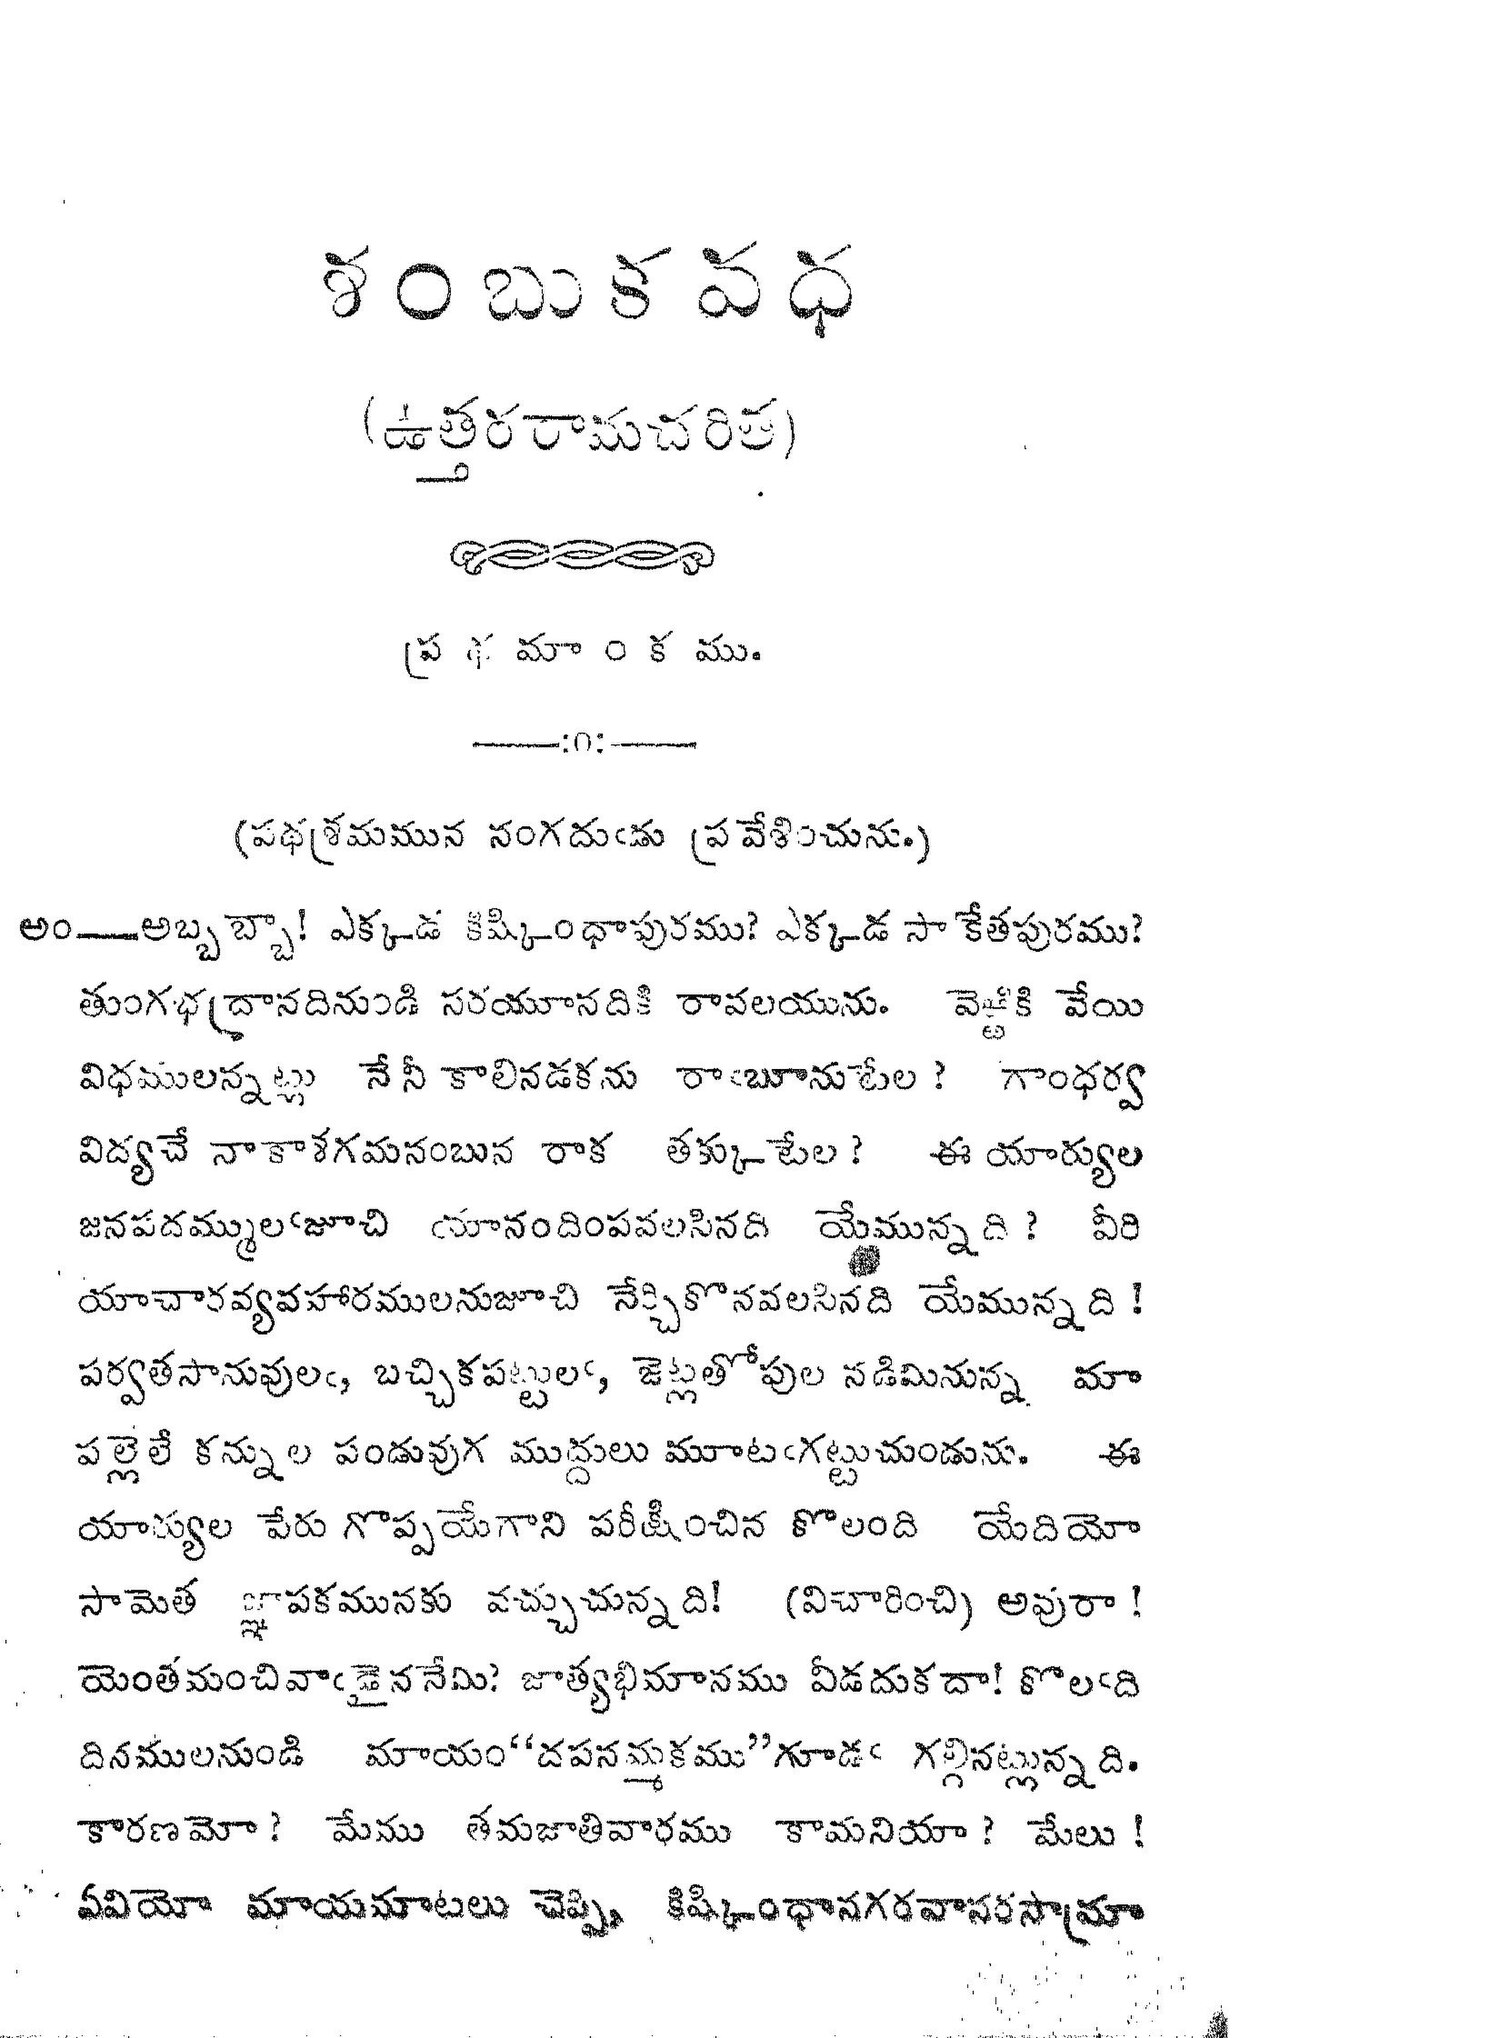.

అం:–అబ్బబ్బా! ఎక్కడి కిష్కింధాపురము? ఎక్కడ సాకేతపురము? తుంగభద్రానదినుండి సరయూనదికి రావలయును. వెఱ్ఱికి వేయి విధములన్నట్లు నేనీ కాలినడకను రాబూనుటేల! గాంధర్వ విద్యచే నాకాశగమనంబున రాక తక్కుటేల? ఈ యార్యుల జనపదమ్ముల జూచి మానందింపనలసినది యేమున్నది. వీరి యాచారవ్యవహారములనుజూచి నేర్చేకొనవలసినది యేమున్నది!
పర్వతసానువులఁ, బచ్చికపట్టుల, జెట్లతోపుల సడిమినున్న మా పల్లెలే కన్నుల పండువుగ ముద్దులు మూటఁగట్టుచుండును. యార్యుల పేరు గొప్ప యేగాని పరీక్షించిన కొలంది యేదియో సామెత గ్నాపకమునకు వచ్చుచున్నది! (విచారించి) అవురా! యెంత మంచివాడైన నేమి? జాత్యభిమానము వీడదుకదా! కొలది
దినముల నుండి మాయం దపనమ్మకము గూడఁ గల్గినట్లున్నది. కారణమో! మేము తమజాతి వారము కామనియా! మేలు! ఏవియో మాయమాటలు చెప్పి, కిష్కింధానగర వానర సామ్రా